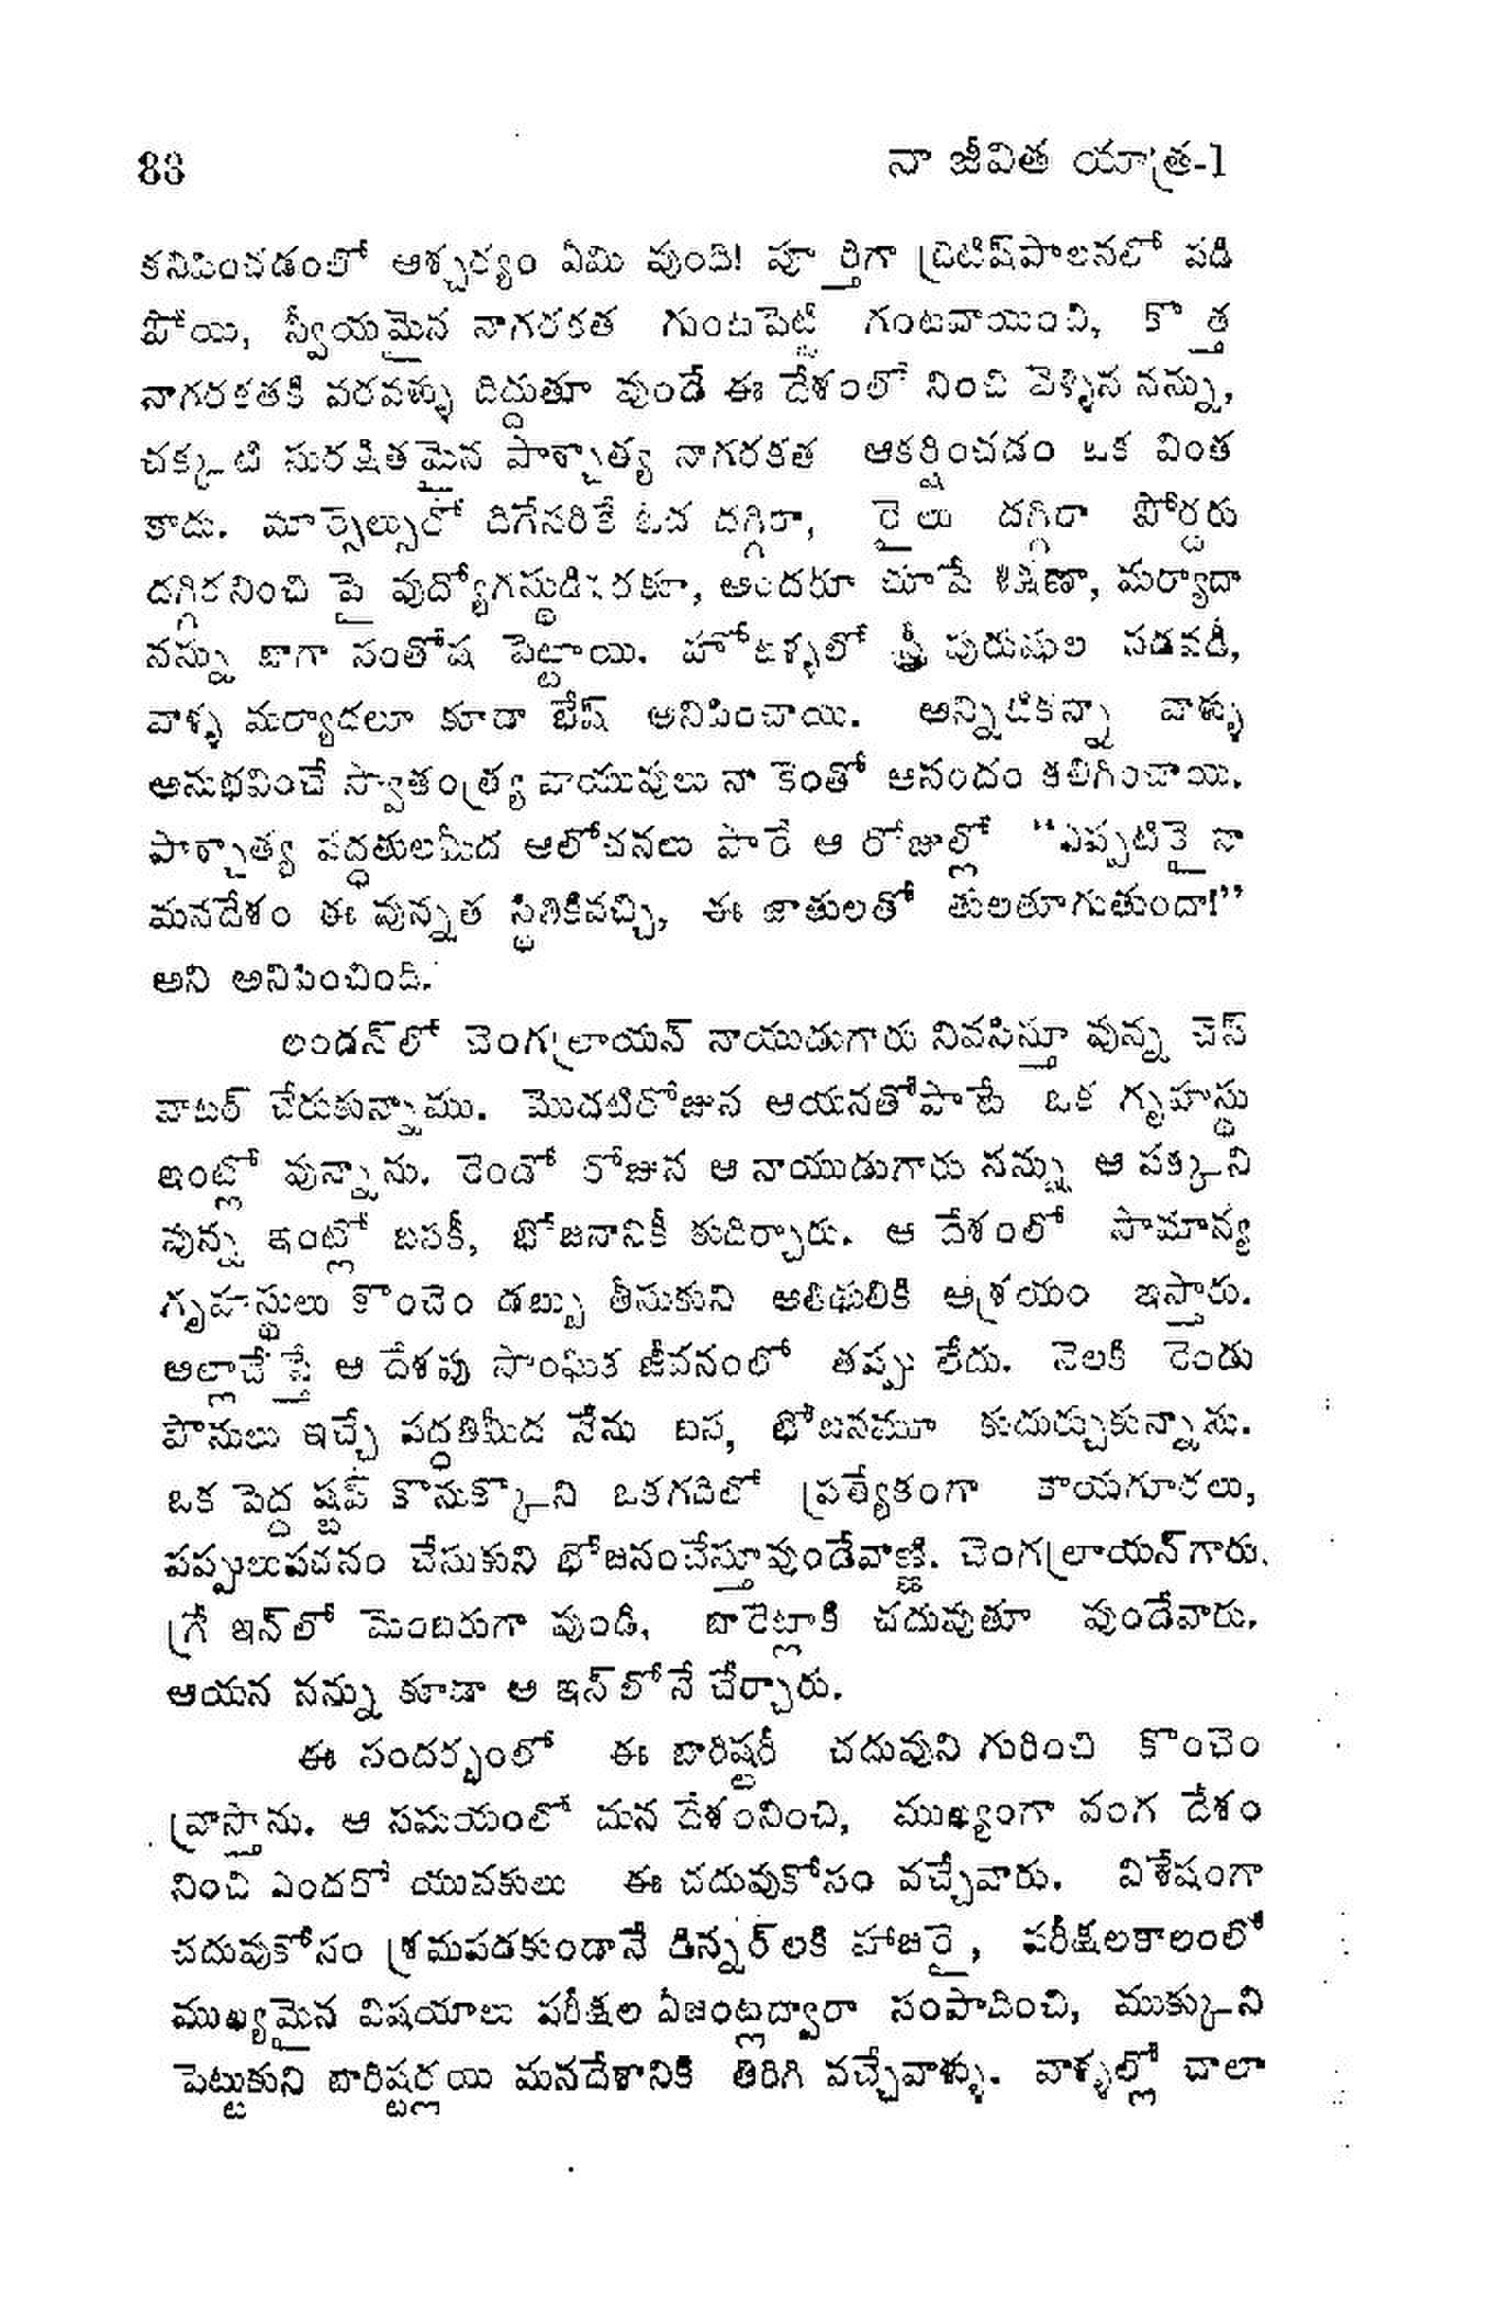కనిపించడంలో ఆశ్చర్యం ఏమి వుంది! పూర్తిగా బ్రిటిష్‌పాలనలో పడిపోయి, స్వీయమైన నాగరకత గుంటపెట్టి గంటవాయించి, కొత్త నాగరకతకి వరవళ్ళు దిద్దుతూ వుండే ఈ దేశంలో నించి వెళ్ళిన నన్ను, చక్కటి సురక్షితమైన పాశ్చాత్య నాగరకత ఆకర్షించడం ఒక వింతకాదు. మార్సెల్సులో దిగేసరికి ఓడ దగ్గిరా, రైలు దగ్గిరా పోర్టరు దగ్గిరనించి పై వుద్యోగస్థుడివరకూ, అందరూ చూపే శిక్షణా, మర్యాదా నన్ను బాగా సంతోష పెట్టాయి. హోటళ్ళలో స్త్రీ పురుషుల నడవడీ వాళ్ళ మర్యాదలూ కూడా బేష్ అనిపించాయి. అన్నిటికన్నా వాళ్ళు అనుభవించే స్వాతంత్ర్య వాయువులు నా కెంతో ఆనందం కలిగించాయి. పాశ్చాత్య పద్ధతులమీద ఆలోచనలు పారే ఆ రోజుల్లో "ఎప్పటికైనా మనదేశం ఈ వున్నత స్థితికివచ్చి, ఈ జాతులతో తులతూగుతుందా!" అని అనిపించింది.

లండన్‌లో చెంగల్రాయన్ నాయుడుగారు నివసిస్తూ వున్న చెస్ వాటర్ చేరుకున్నాము. మొదటిరోజున ఆయనతోపాటే ఒక గృహస్థు ఇంట్లో వున్నాను. రెండో రోజున ఆ నాయుడుగారు నన్ను ఆ పక్కని వున్న ఇంట్లో బసకి, భోజనానికీ కుదిర్చారు. ఆ దేశంలో సామాన్య గృహస్థులు కొంచెం డబ్బు తీసుకుని అతిథులికి ఆశ్రయం ఇస్తారు. అల్లాచేస్తే ఆ దేశపు సాంఘిక జీవనంలో తప్పు లేదు. నెలకి రెండు పౌనులు ఇచ్చే పద్ధతిమీద నేను బస, భోజనమూ కుదుర్చుకున్నాను. ఒక పెద్ద ష్టవ్ కొనుక్కొని ఒకగదిలో ప్రత్యేకంగా కాయగూరలు పప్పులుపచనం చేసుకుని భోజనంచేస్తూ వుండేవాణ్ణి. చెంగల్రాయన్‌గారు గ్రే ఇన్‌లో మెంబరుగా వుండి, బారెట్లాకి చదువుతూ వుండేవారు. ఆయన నన్ను కూడా ఆ ఇన్‌లోనే చేర్చారు.

ఈ సందర్భంలో ఈ బారిష్టరీ చదువుని గురించి కొంచెం వ్రాస్తాను. ఆ సమయంలో మన దేశంనించి, ముఖ్యంగా వంగ దేశంనించి ఎందరో యువకులు ఈ చదువుకోసం వచ్చేవారు. విశేషంగా చదువుకోసం శ్రమపడకుండానే డిన్నర్‌లకి హాజరై, పరీక్షలకాలంలో ముఖ్యమైన విషయాలు పరీక్షల ఏజంట్లద్వారా సంపాదించి, ముక్కుని పెట్టుకుని బారిష్టర్లయి మనదేశానికి తిరిగి వచ్చేవాళ్ళు. వాళ్ళల్లో చాలా